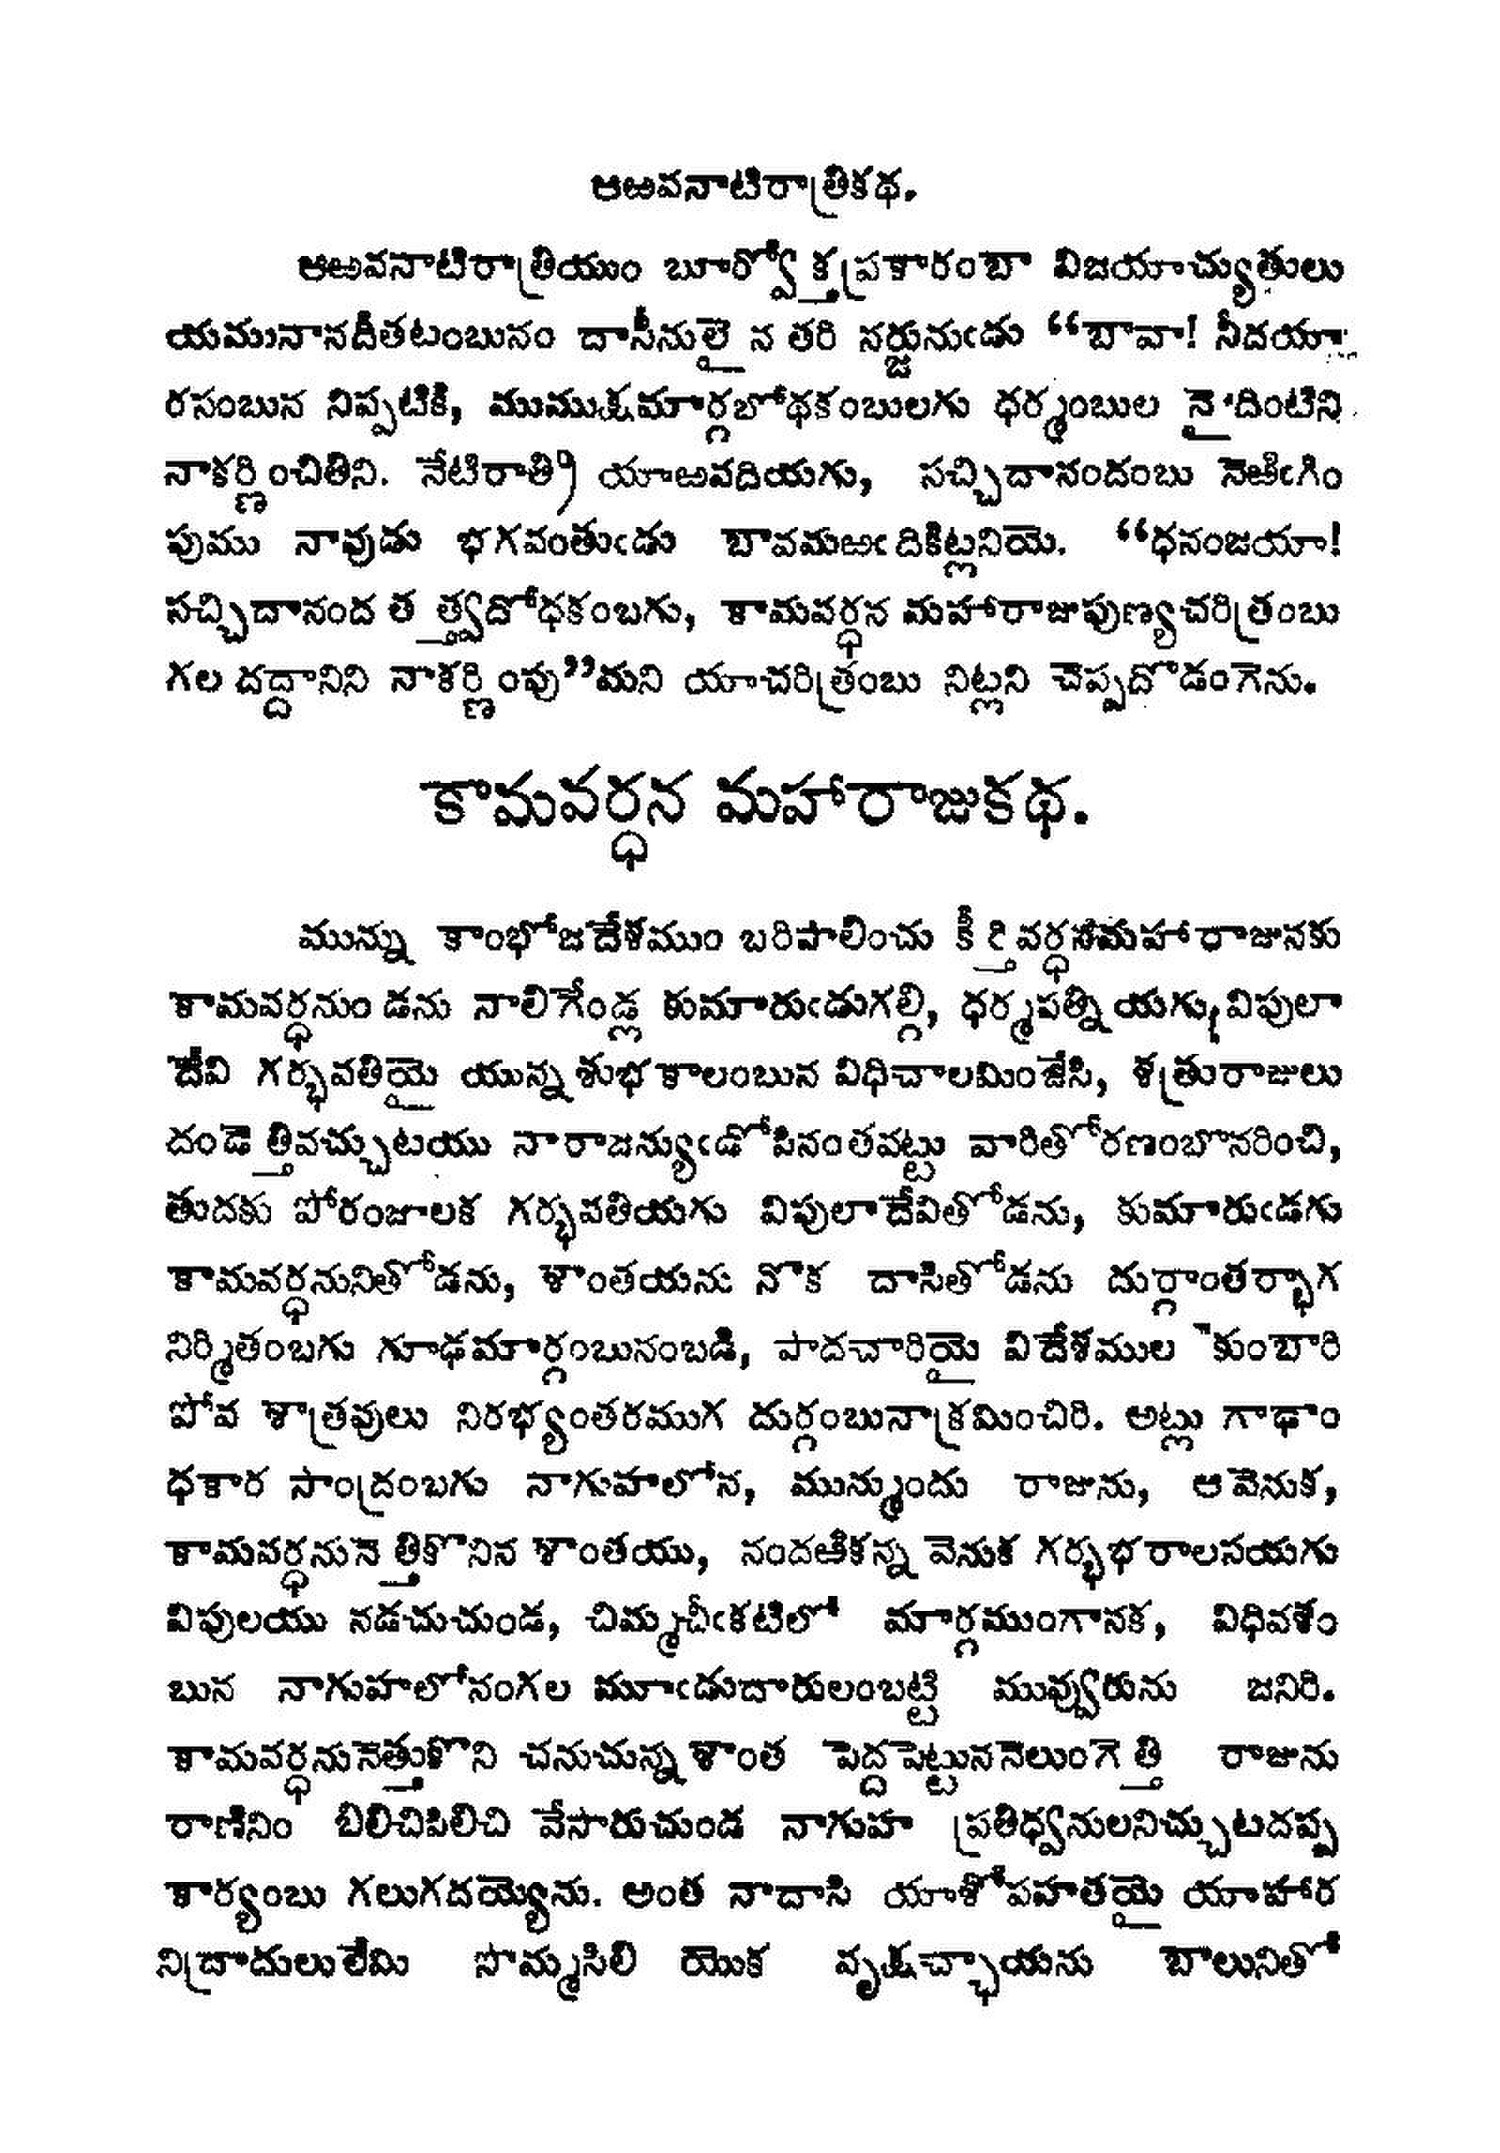ఆఱవనాటి రాత్రియుం బూర్వోక్తప్రకారంగా విజయాచ్యుతులు యమునానదీతటంబునం దాసీనులైన తరి నర్జునుఁడు “బావా! నీదయా రసంబున నిప్పటికీ, ముముక్షమార్గబోథకంబులగు ధర్మంబుల నైదింటిని నాకర్ణించితిని. "నేటి రాత్రి యాఱవది యగు, సచ్చిదానందంబు నెఱిఁగింపుము నావుడు భగవంతుఁడు బావమఱఁదికిట్లనియె. “ధనంజయా! సచ్చిదానంద తత్త్వదోధకంబగు, కామవర్ధన మహారాజు పుణ్య చరిత్రంబు గల దద్దానిని నాకర్ణింపు"మని యాచరిత్రంబు నిట్లని చెప్ప దొడంగెను.

మున్ను కాంభోజ దేశముం బరిపాలించు కీర్తివర్ధన మహారాజునకు కామవర్ధనుం డను నాలిగేండ్ల కుమారుఁడుగల్లి, ధర్మపత్ని యగు విపులాదేవి గర్భవతియై యున్న శుభకాలంబున విధి చాలమింజేసి, శత్రురాజులు దండెత్తివచ్చుటయు నారాజన్యుఁడోపినంతపట్టు వారితో రణంబొనరించి, తుదకు పోరంజాలక గర్భవతియగు విపులా దేవితోడను, కుమారుఁడగు
కామవర్ధనునితోడను, శాంతయను నొక దాసితోడను దుర్గాంతర్భాగ నిర్మితంబగు గూఢమార్గంబునంబడి, పాదచారియై విదేశముల "కుంబారి పోవ శాత్రవులు నిరభ్యంతరముగ దుర్గంబునాక్రమించిరి. అట్లు గాఢాంధకార సాంద్రంబగు నాగుహలోన, మున్ముందు రాజును, ఆవెనుక, కామవర్ధను నెత్తికొనిన శాంతయు, నందఱికన్న వెనుక గర్భభరాలనయగు విపులయు నడచుచుండ, చిమ్మచీఁకటిలో మార్గముంగానక, విధివశంబున నాగుహలోనంగల మూడుదారులంబట్టి మువ్వురును జనిరి.
కామవర్ధను నెత్తుకొని చనుచున్న శాంత పెద్ద పెట్టున నెలుంగెత్తి రాజును రాణినిం బిలిచిపిలిచి వేసారుచుండ నాగుహ ప్రతిధ్వనులనిచ్చుటదప్ప కార్యంబు గలుగదయ్యెను. అంత నాదాసి యాశోపహతయై యాహార నిద్రాదులు లేమి సొమ్మసిలి యొక వృక్షచ్ఛాయను బాలునితో